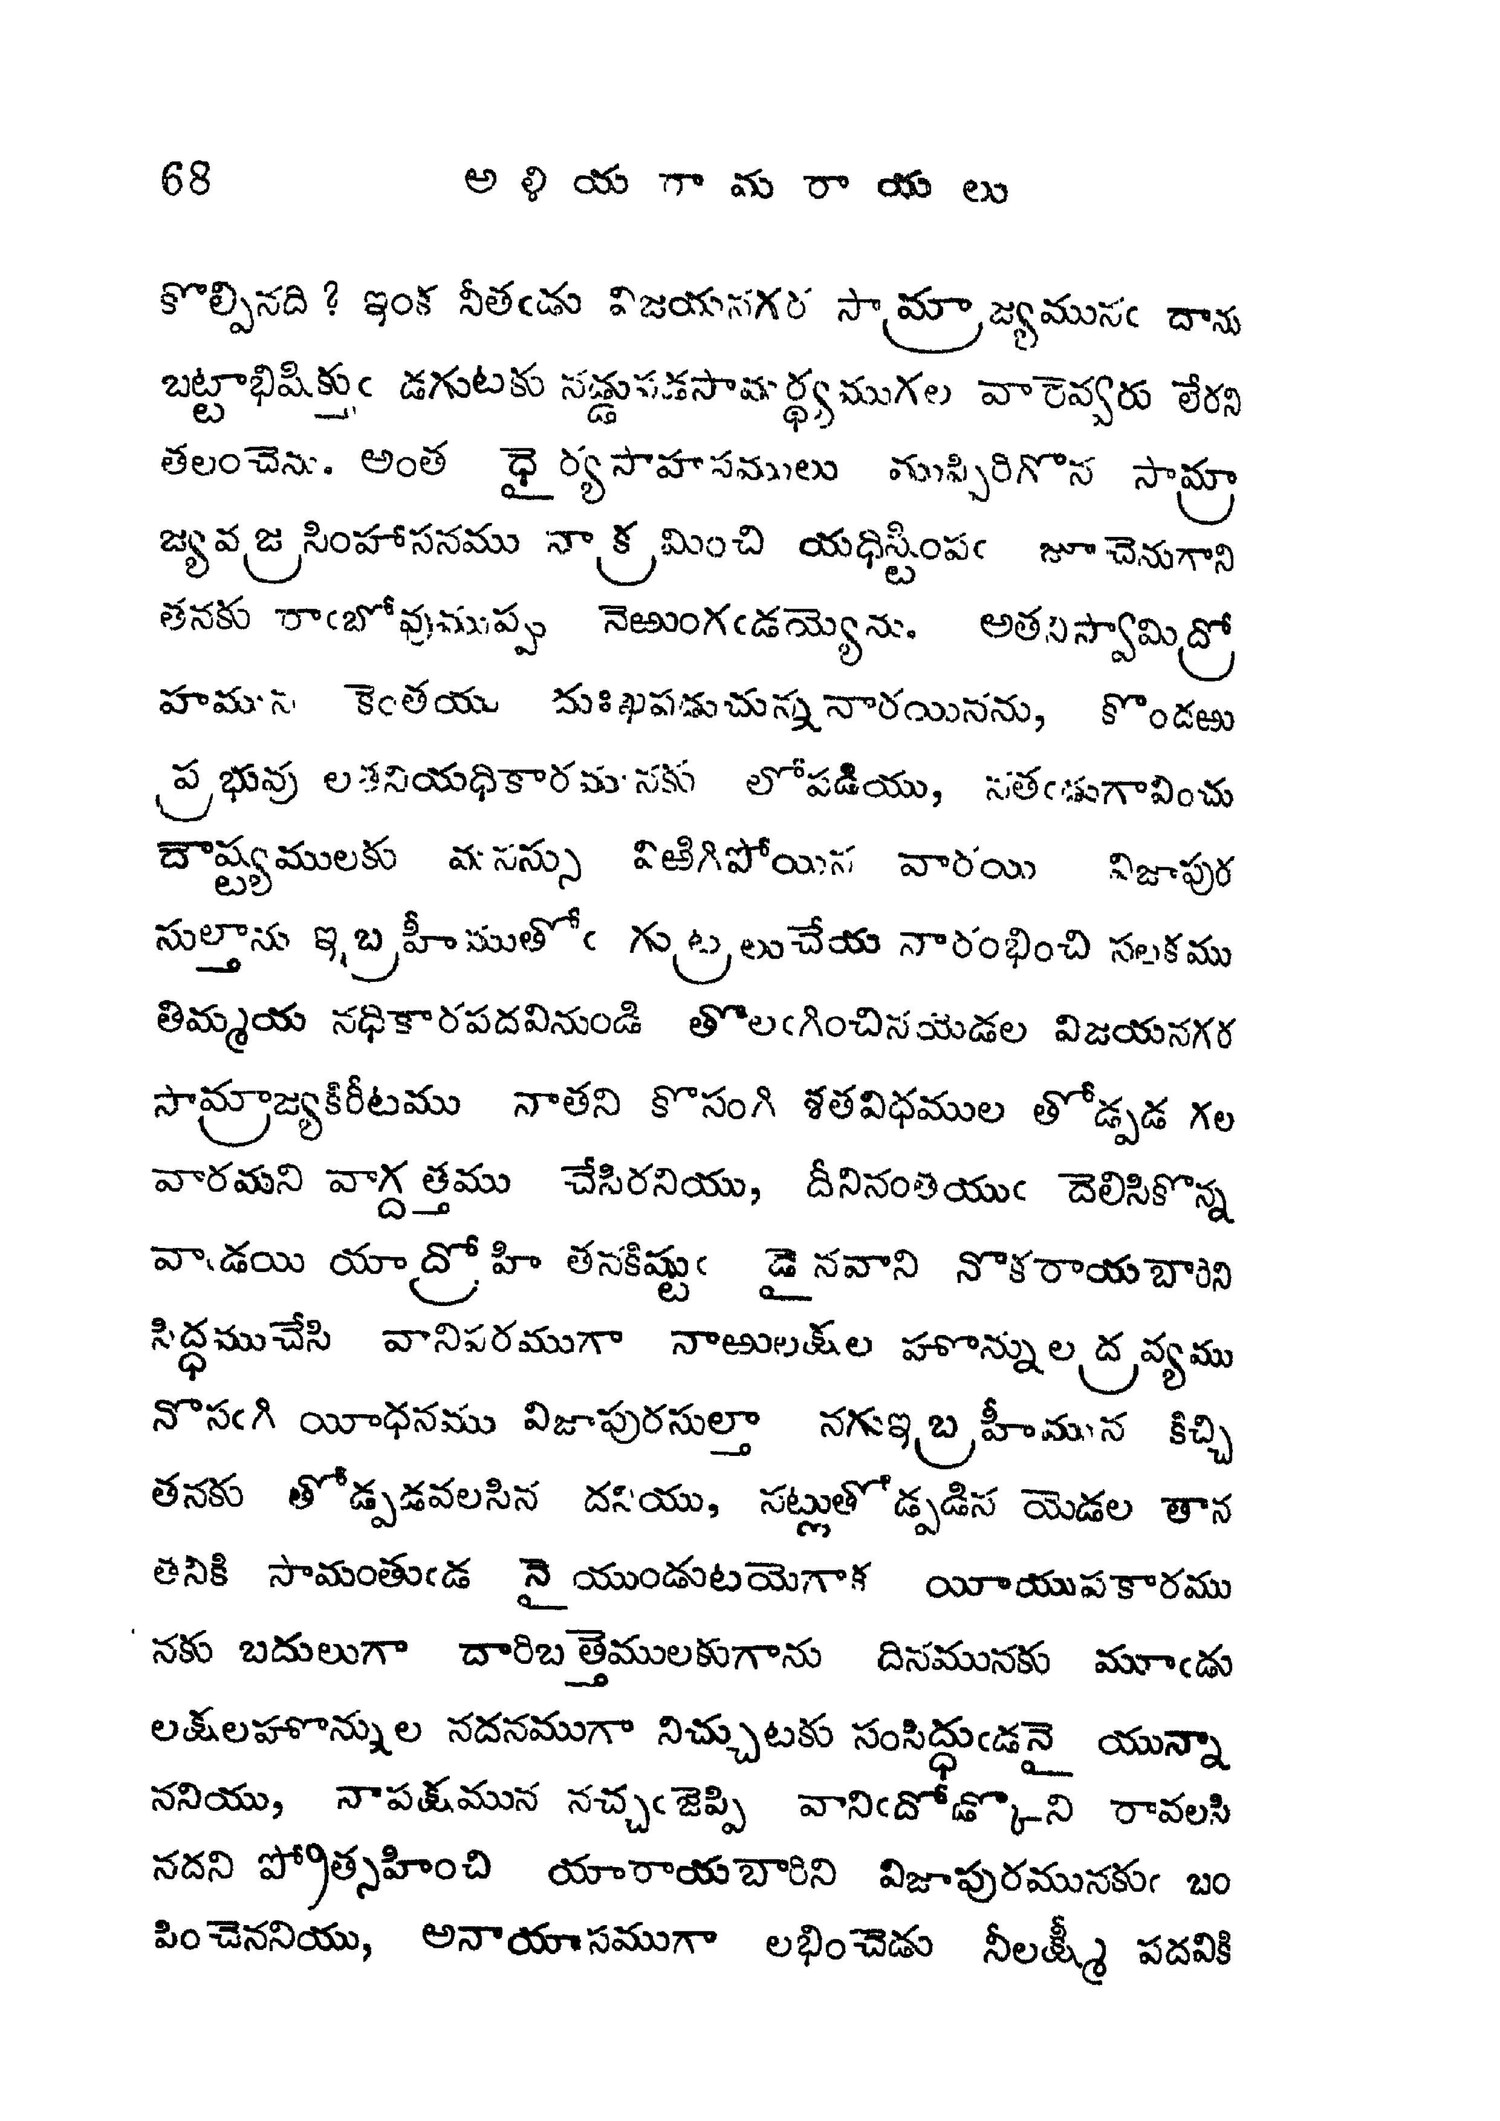కొల్పినది? ఇంక నీతడు విజయనగర సామ్రాజ్యమున దాను బట్టాభిషిక్తు డగుటకు నడ్డుపడ సామర్థ్యముగల వారెవ్వరు లేరని తలంచెను. అంత ధైర్యసాహసములు ముప్పిరిగొన సామ్రాజ్యవజ్రసింహాసనము నాక్రమించి యధిష్టింప జూచెనుగాని తనకు రాబోవుముప్పు నెఱుంగడయ్యెను. అతనిస్వామిద్రోహమున కెంతయు దు:ఖపడుచున్నవారయినను, కొందఱు ప్రభువు లతనియధికారమునకు లోపడియు, నతడుగావించు దౌష్ట్యములకు మనస్సు విఱిగిపోయిన వారయి విజాపురసుల్తాను ఇబ్రహీముతో గుట్రలుచేయ నారంభించి సలకముతిమ్మయ నధికారపదవినుండి తొలగించినయడల విజయనగరసామ్రాజ్యకిరీటము నాతని కొసంగి శతవిధముల తోడ్పడ గల వారమని వాగ్దత్తము చేసిరనియు, దీనినంతయు దెలిసికొన్న వాడయి యాద్రోహి తనకిష్టు డైనవాని నొకరాయబారిని సిద్ధముచేసి వానిపరముగా నాఱులక్షల హొన్నులద్రవ్యము నొసగి యీధనము విజాపురసుల్తా నగుఇబ్రహీమున కిచ్చి తనకు తోడ్పడవలసిన దనియు, నట్లుతోడ్పడిన యెడల తానతనికి సామంతుడ నైయుండుటయెగాక యీయుపకారమునకు బదులుగా దారిబత్తెములకుగాను దినమునకు మూడులక్షలహొన్నుల నదనముగా నిచ్చుటకు సంసిద్ధుడనై యున్నాననియు, నాపక్షమున నచ్చజెప్పి వానిదోడ్కొని రావలసినదని ప్రోత్సహించి యారాయబారిని విజాపురమునకు బంపించెననియు, అనాయసముగా లభించెడు నీలక్ష్మీ పదవికి